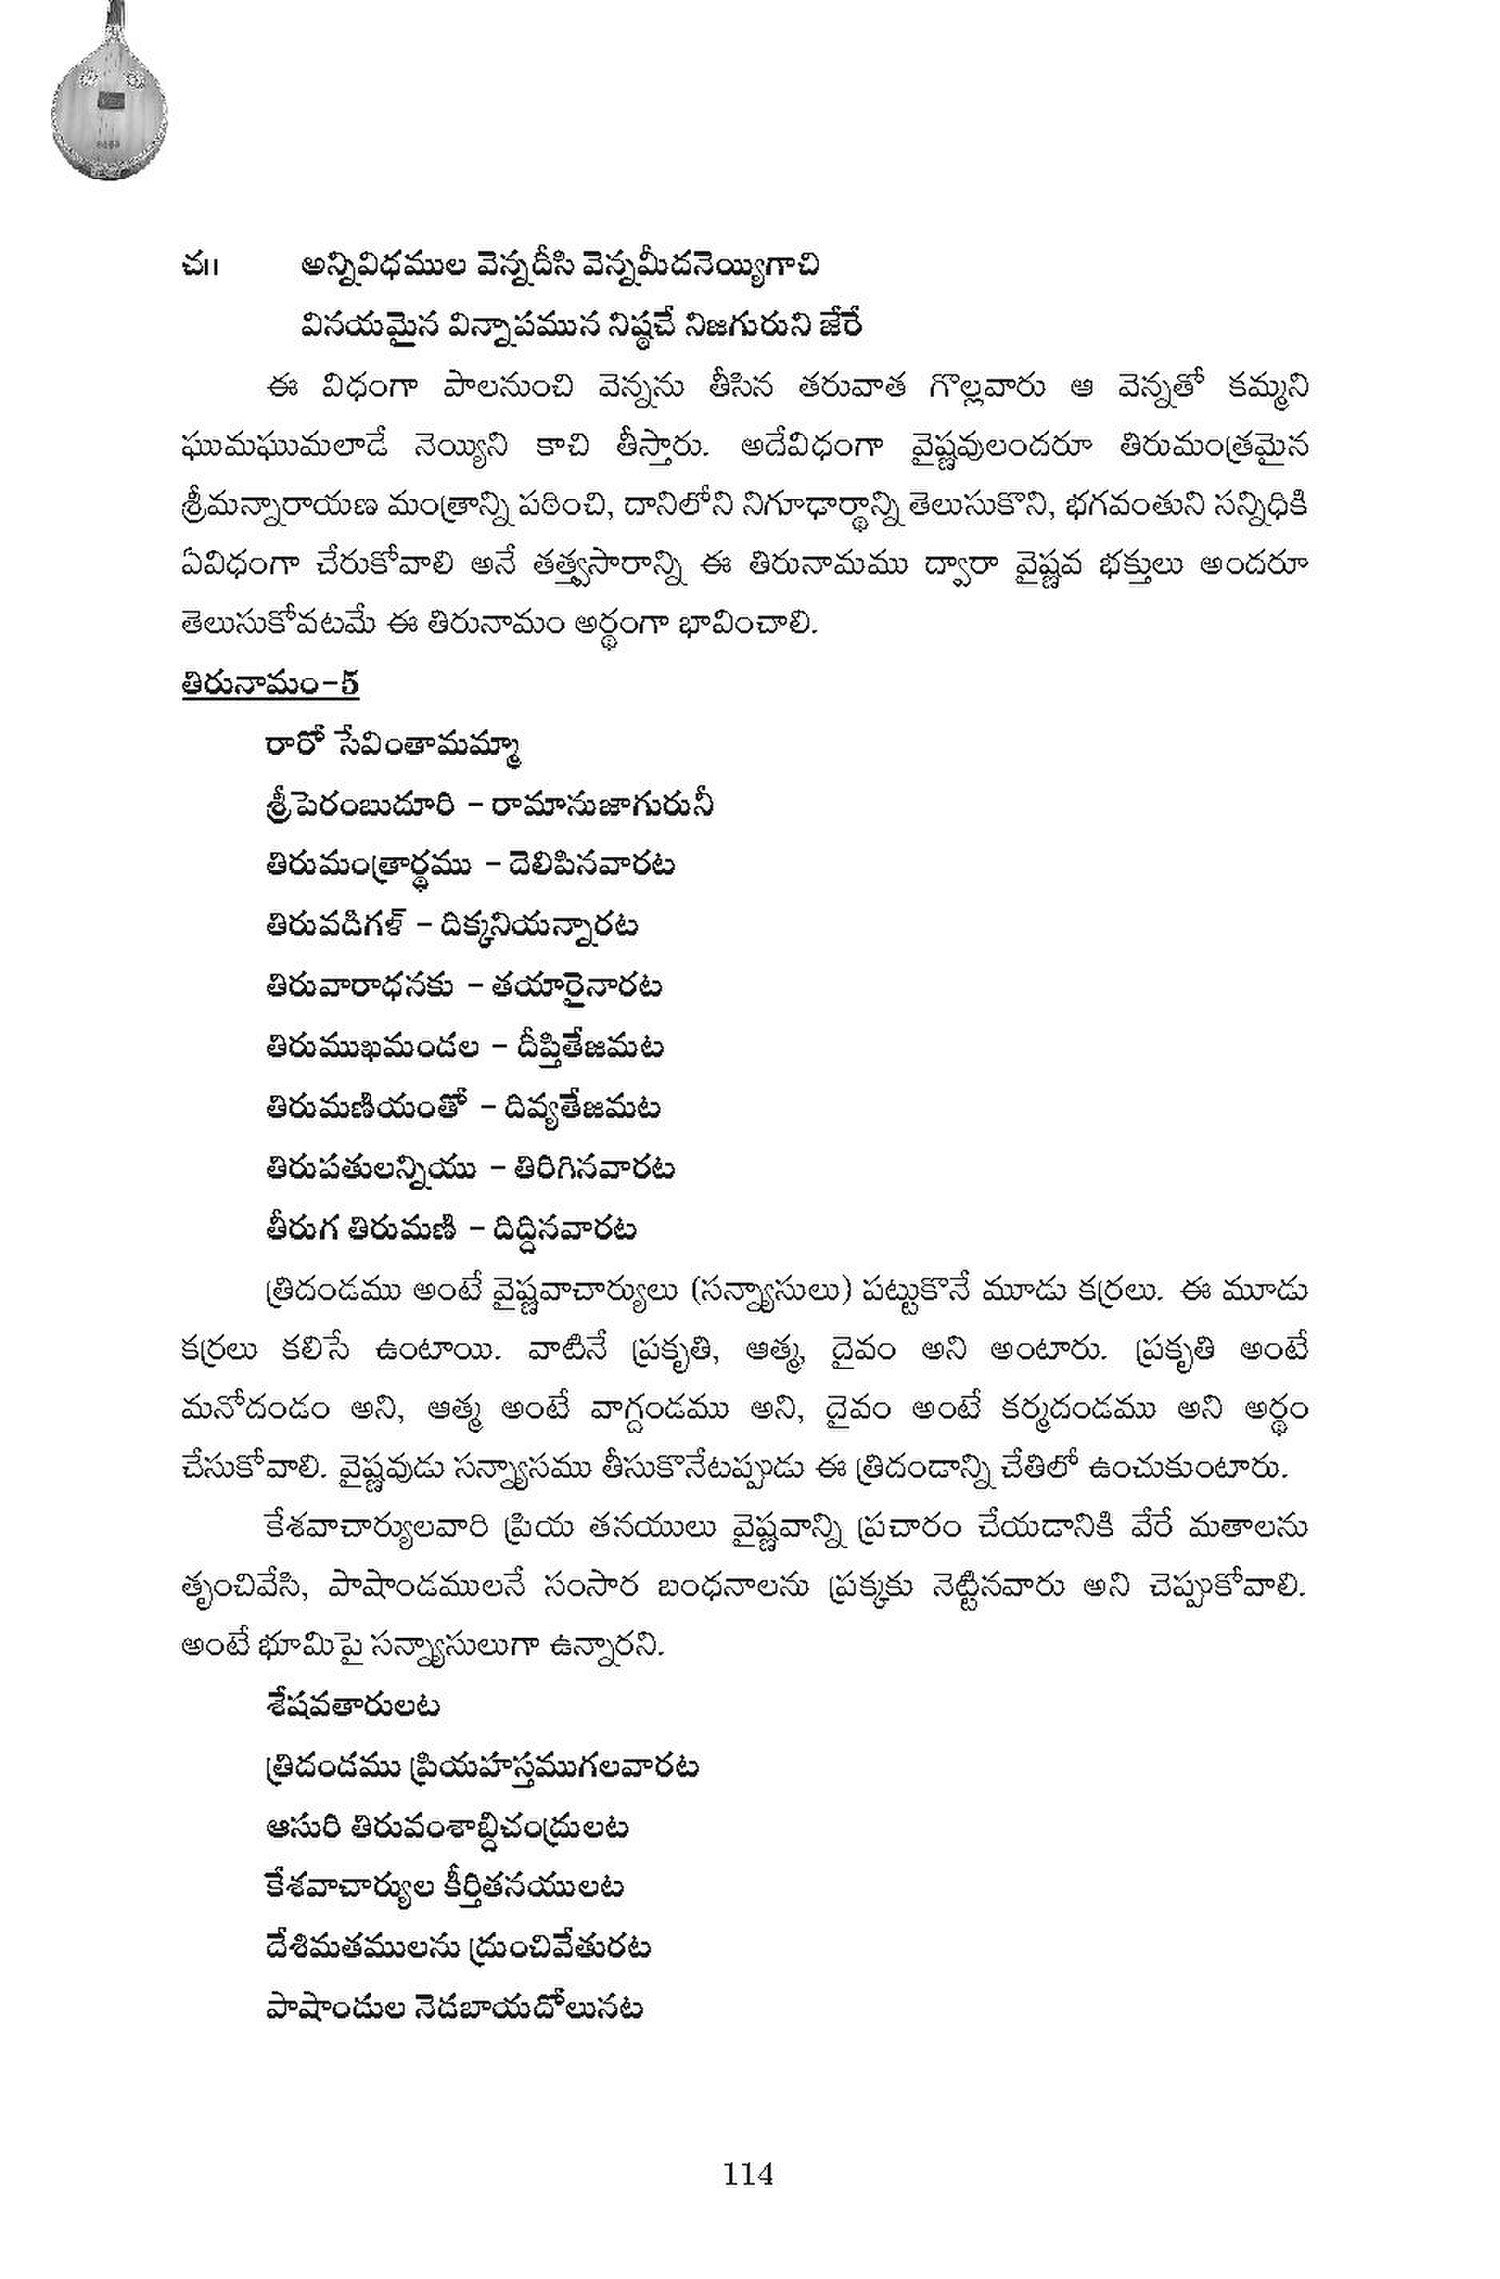చ౹౹ అన్నివిధముల వెన్నదీసి వెన్నమీదనెయ్యిగాచి
వినయమైన విన్నాపమున నిష్ఠచే నిజగురుని జేరే 

ఈ విధంగా పాలనుంచి వెన్నను తీసిన తరువాత గొల్లవారు ఆ వెన్నతో కమ్మని ఘుమఘుమలాడే నెయ్యిని కాచి తీస్తారు. అదేవిధంగా వైష్ణవులందరూ తిరుమంత్రమైన శ్రీమన్నారాయణ మంత్రాన్ని పఠించి, దానిలోని నిగూఢార్థాన్ని తెలుసుకొని, భగవంతుని సన్నిధికి ఏవిధంగా చేరుకోవాలి అనే తత్త్వసారాన్ని ఈ తిరునామము ద్వారా వైష్ణవ భక్తులు అందరూ
తెలుసుకోవటమే ఈ తిరునామం అర్థంగా భావించాలి.

తిరునామం-5 

రారో సేవింతామమ్మా
శ్రీపెరంబుదూరి - రామానుజాగురునీ
తిరుమంత్రార్థము – దెలిపినవారట
తిరువడిగళ్ - దిక్కనియన్నారట
తిరువారాధనకు తయారైనారట
తిరుముఖమండల - దీప్తితేజమట
తిరుమణియంతో - దివ్యతేజమట
తిరుపతులన్నియు - తిరిగినవారట
తీరుగ తిరుమణి - దిద్దినవారట

త్రిదండము అంటే వైష్ణవాచార్యులు (సన్న్యాసులు) పట్టుకొనే మూడు కర్రలు. ఈ మూడు కర్రలు కలిసే ఉంటాయి. వాటినే ప్రకృతి, ఆత్మ, దైవం అని అంటారు. ప్రకృతి అంటే మనోదండం అని, ఆత్మ అంటే వాగ్దండము అని, దైవం అంటే కర్మదండము అని అర్థం చేసుకోవాలి. వైష్ణవుడు సన్న్యాసము తీసుకొనేటప్పుడు ఈ త్రిదండాన్ని చేతిలో ఉంచుకుంటారు.

కేశవాచార్యులవారి ప్రియ తనయులు వైష్ణవాన్ని ప్రచారం చేయడానికి వేరే మతాలను తృంచివేసి, పాషాండములనే సంసార బంధనాలను ప్రక్కకు నెట్టినవారు అని చెప్పుకోవాలి. అంటే భూమి పై సన్న్యాసులుగా ఉన్నారని.

శేషవతారులంట
త్రిదండము ప్రియహస్తముగలవారట
ఆసురీ తిరువంశాబ్దిచంద్రులట
కేశవాచార్యుల కీర్తితనయులట
దేశీమతములను ద్రుంచివేతురట
పాషాందుల నెడబాయదోలునట